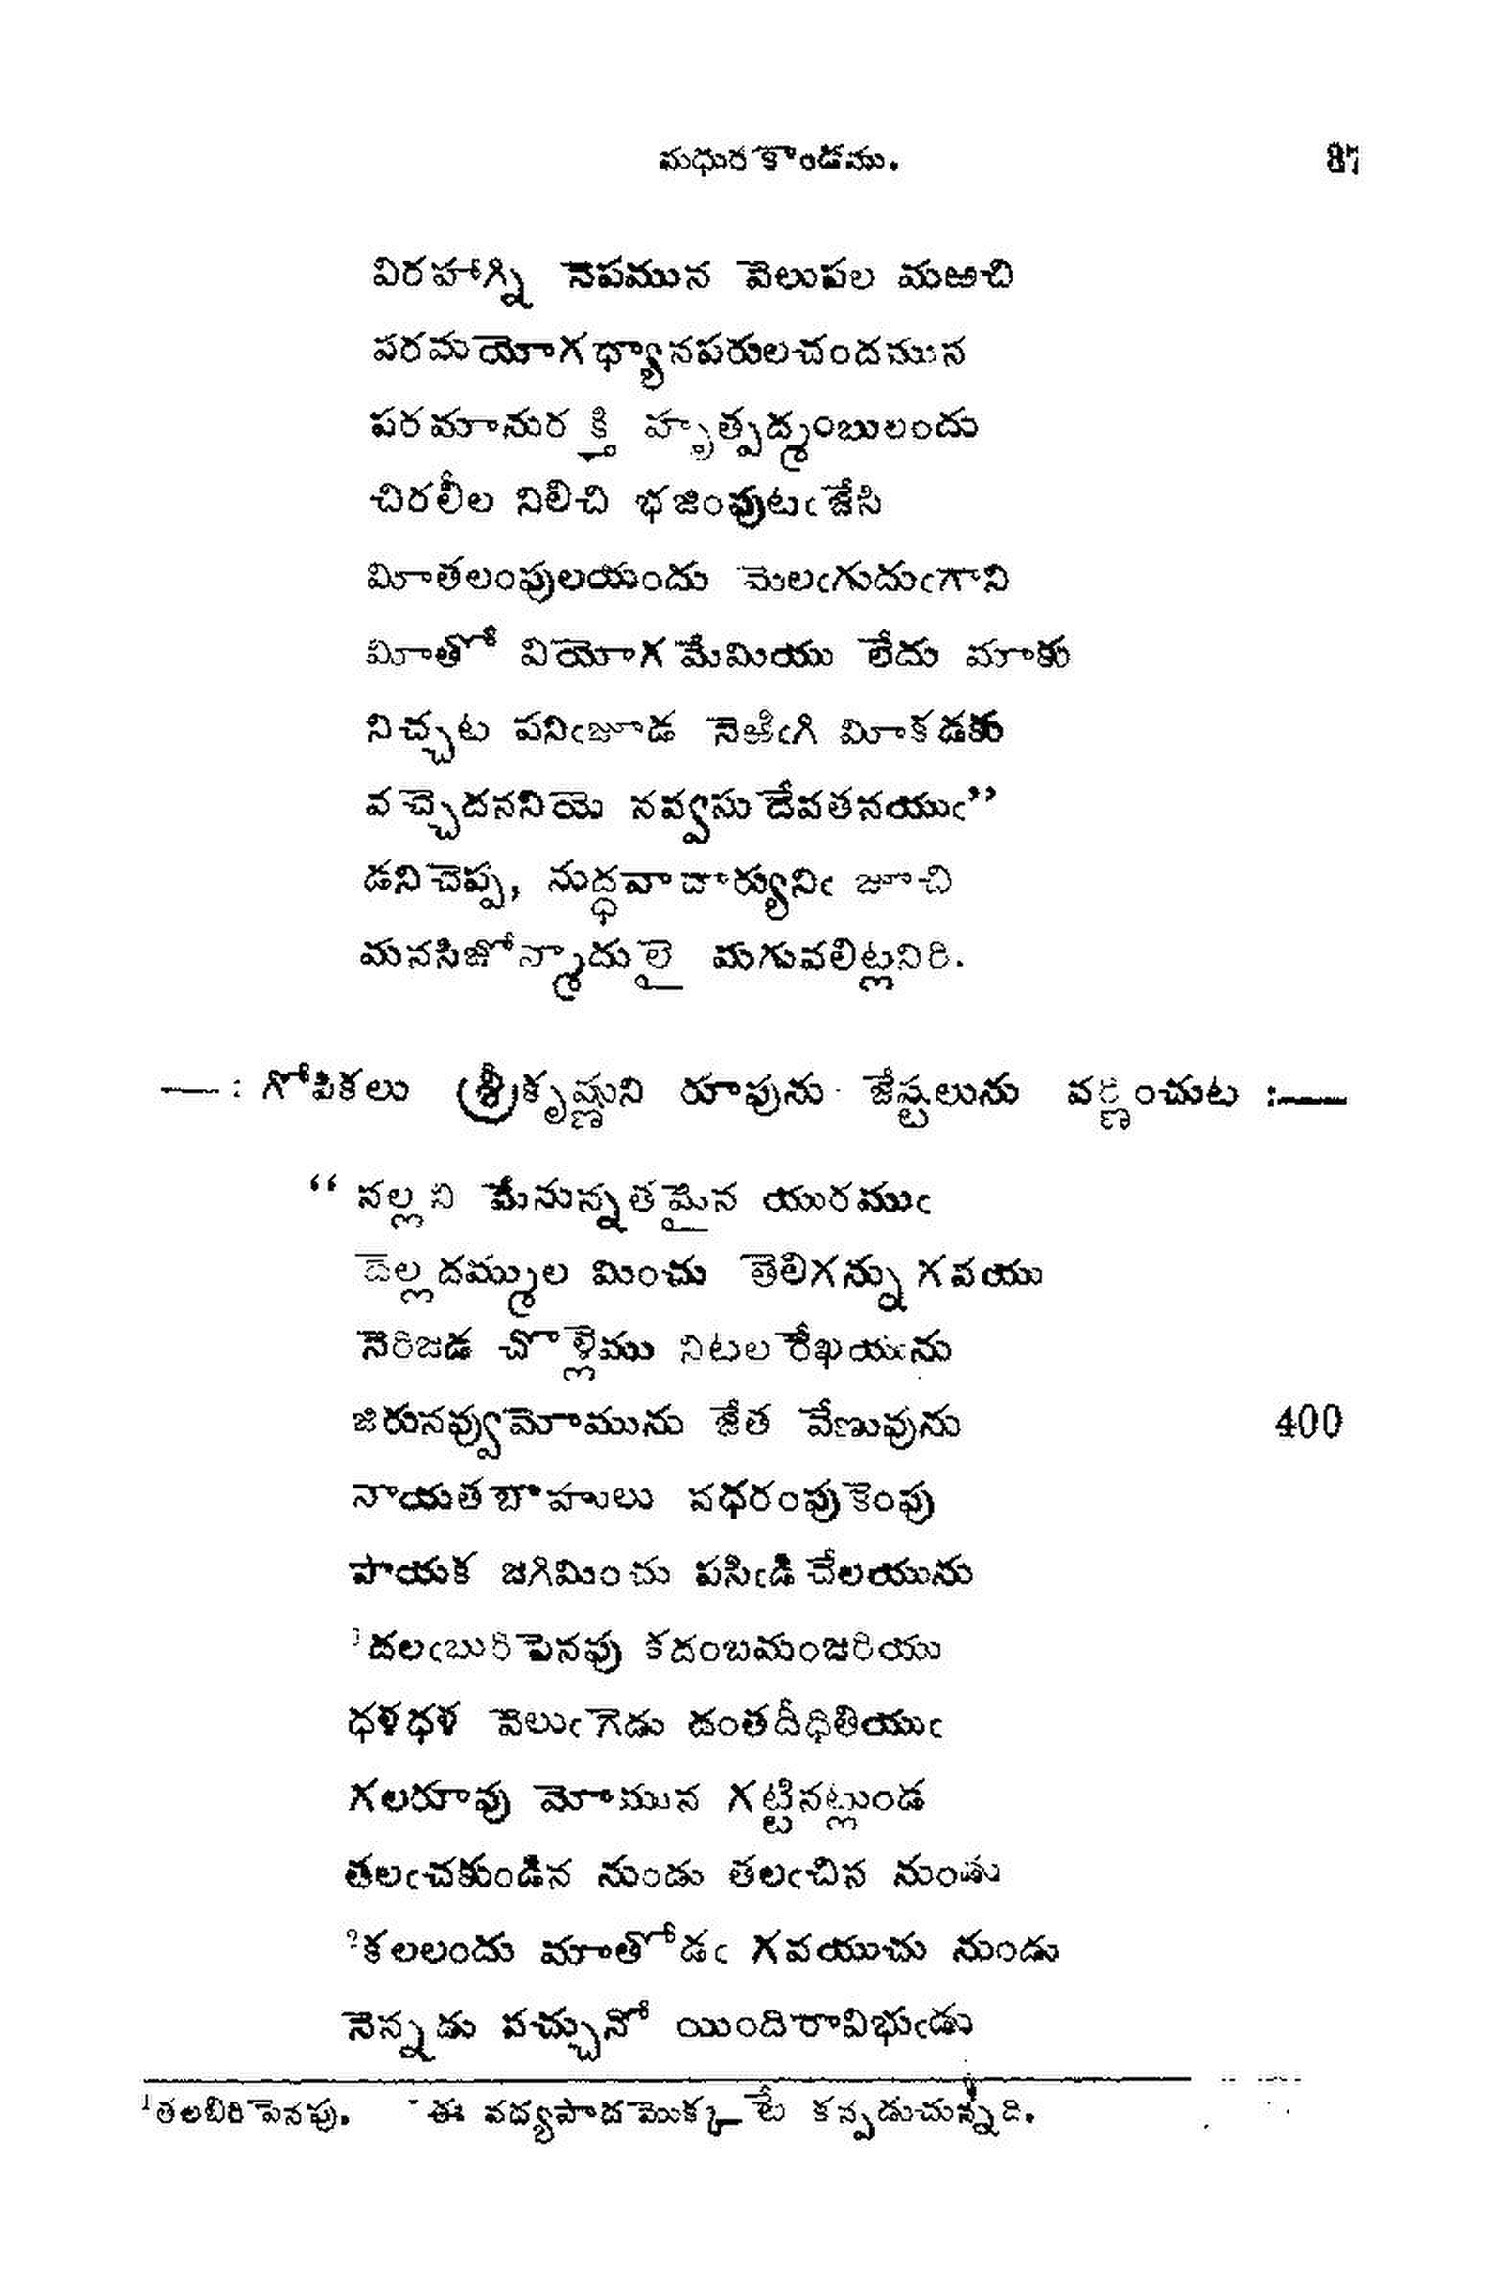విరహాగ్నినెపమున వెలుపల మఱచి
పరమయోగధ్యానపరులచందమున
పరమానురక్తి హృత్పద్మంబులందు
చిరలీల నిలిచి భజింపుటఁ జేసి
మీతలంపులయందు మెలఁగుదుఁగాని
మీతో వియోగమేమియు లేదు మాకు
నిచ్చట పనిఁజూడ నెఱిఁగి మీకడకు
వచ్చెదననియె నవ్వసుదేవతనయుఁ"
డని చెప్ప, నుద్ధవాచార్యునిఁ జూచి
మనసిజోన్మాదులై మగువలిట్లనిరి.

“నల్లని మే నున్నతమైన యురముఁ
దెల్లదమ్ముల మించు తెలిగన్నుగవయు
నెరిజడ చొళ్లెము నిటలరేఖయును
జిరునవ్వు మోమును జేత వేణువును
నాయతబాహులు నధరంపుకెంపు
పాయక జిగిమించు పసిఁడిచేలయును
దలఁబురిపెనపు కదంబమంజరియు
ధళధళ వెలుఁగెడు దంతదీధితియుఁ
గలరూపు మోమున గట్టినట్లుండ
తలఁచకుండిన నుండు తలఁచిన నుండు
కలలందు మాతోడఁ గవయుచు నుండు
నెన్నడు వచ్చునో యిందిరావిభుఁడు